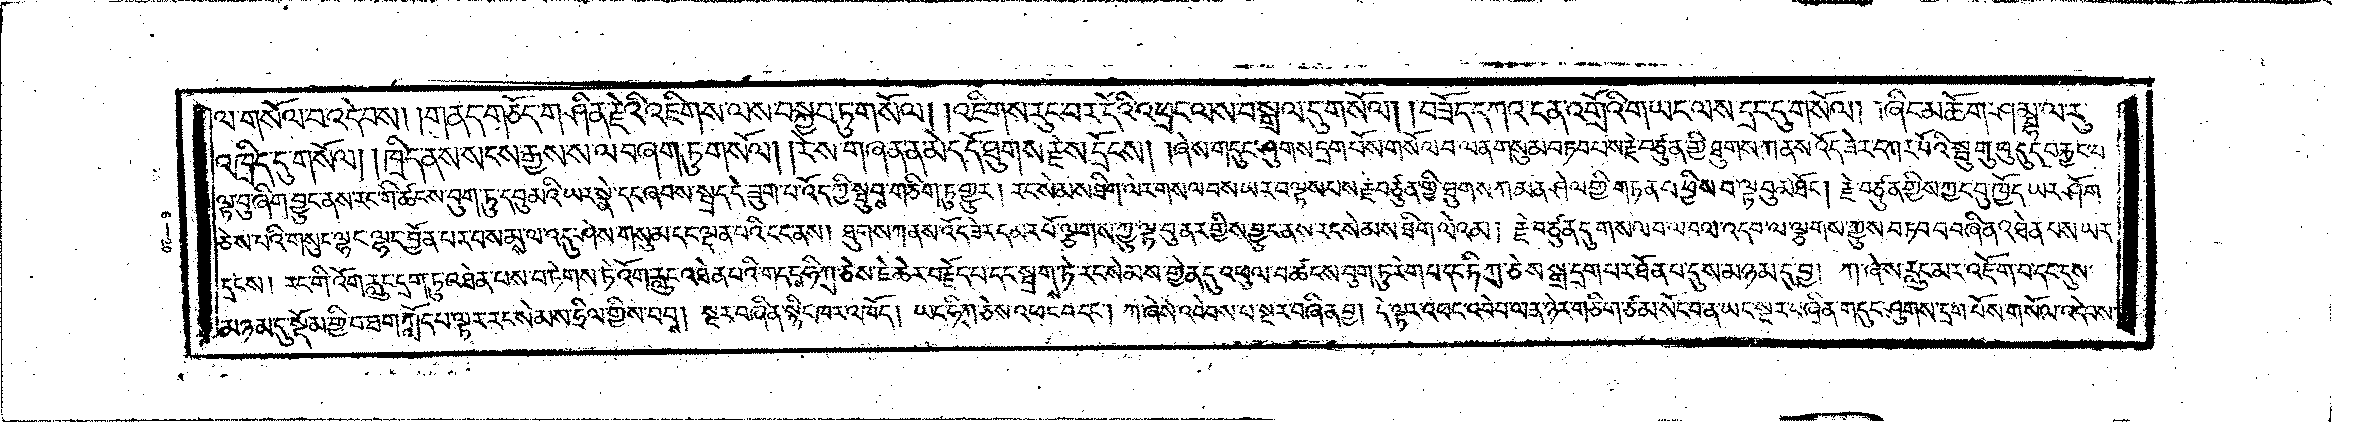ལ་གསོལ་བ་འདེབས། །གནད་གཅོད་གཤིན་རྗེའི་འཇིགས་ལས་བསྐྱབ་ཏུ་གསོལ། །འཇིགས་རུང་བར་དོའི་འཕྲང་ལས་བསྒྲལ་དུ་གསོལ། །བཟོད་དཀའ་ངན་འགྲོའི་གཡང་ལས་དྲང་དུ་གསོལ། །ཞིང་མཆོག་ཤམྦྷ་ལ་རུ་
འཁྲིད་དུ་གསོལ། །ཁྲིད་ནས་སངས་རྒྱས་ས་ལ་བཞག་ཏུ་གསོལ། །རེས་གཞན་ན་མེད་དོ་ཐུགས་རྗེས་དྲོངས། །ཞེས་གདུང་ཤུགས་དྲག་པོས་གསོལ་བ་ལན་གསུམ་བཏབ་པས་རྗེ་བཙུན་གྱི་ཐུགས་ཀ་ནས་འོད་ཟེར་དཀར་པོའི་སྦུ་གུ་ཕུ་དུང་བརྐྱང་པ་
ལྟ་བུ་ཞིག་བྱུང་ནས་རང་གི་ཚངས་བུག་ཏུ་དབུ་མའི་ཡར་སྣེ་དང་ཞབས་སྤྲད་དེ་ཟུག་པ་འོད་ཀྱི་སྦུབས་གཅིག་ཏུ་གྱུར། རང་སེམས་ཐིག་ལེར་གསལ་བས་ཡར་བལྟས་པས་རྗེ་བཙུན་གྱི་ཐུགས་ཀ་མན་ཤེལ་གྱི་གཏན་པ་ཕྱིས་བལྟ་བུ་མཐོང་། རྗེ་བཙུན་གྱིས་ཀྱང་བུ་ཁྱོད་ཡར་ཤོག་
ཅེས་པའི་གསུང་ལྷང་ལྷང་བྱོན་པར་བསམས་ལ་འདུ་ཤེས་གསུམ་དང་ལྡན་པའི་ངན་ནས། ཐུགས་ཀ་ནས་འོད་ཟེར་དམར་པོ་ལྕགས་ཀྱུ་ལྟ་བུ་ནར་གྱིས་བྱུང་ནས་རང་སེམས་ཐིག་ལེའམ། རྗེ་བཙུན་དུ་གསལ་བ་ལ་བླ་འདབ་ལ་ལྕགས་ཀྱུས་བཏབ་པ་བཞིན་འཐེན་པས་ཡར་
དྲངས། རང་གི་འོག་རླུང་དྲག་ཏུ་འཐེན་པས་བཏེགས་ཏེ་འོག་རླུང་འཐེན་པའི་གདངས་ཧི་ཀྲ་ཅེས་ཇེ་ཆེར་བརྗོད་པ་དང་སྦྲགས་ཏེ་རང་སེམས་གྱེན་དུ་འཕུལ་བ་ཚངས་བུག་ཏུ་རེག་པ་དང་ཏིཀ་ཅེས་སྒྲ་དྲག་པར་ཐོན་པ་དུས་མཉམ་དུ་བྱ། ཀ་ཞེས་རླུང་མར་འཇོག་པ་དང་དུས་
མཉམ་དུ་སྡོམ་གྱི་བ་ཐག་ཀློང་པ་ལྟར་རང་སེམས་ཧྲིལ་གྱིས་བབས། སྔར་བཞིན་སྙིང་ཁར་འཁོད། ཡང་ཧི་ཀ་ཅེས་འཕང་བ་དང་། ཀ་ཞེས་འབེབས་པ་སྔར་བཞིན་བྱ། དེ་ལྟར་འཕང་འབེབས་ལན་ཉེར་གཅིག་ཙམ་སོང་བ་ན་ཡང་སྔར་བཞིན་གདུང་ཤུགས་དྲག་པོས་གསོལ་འདེབས་